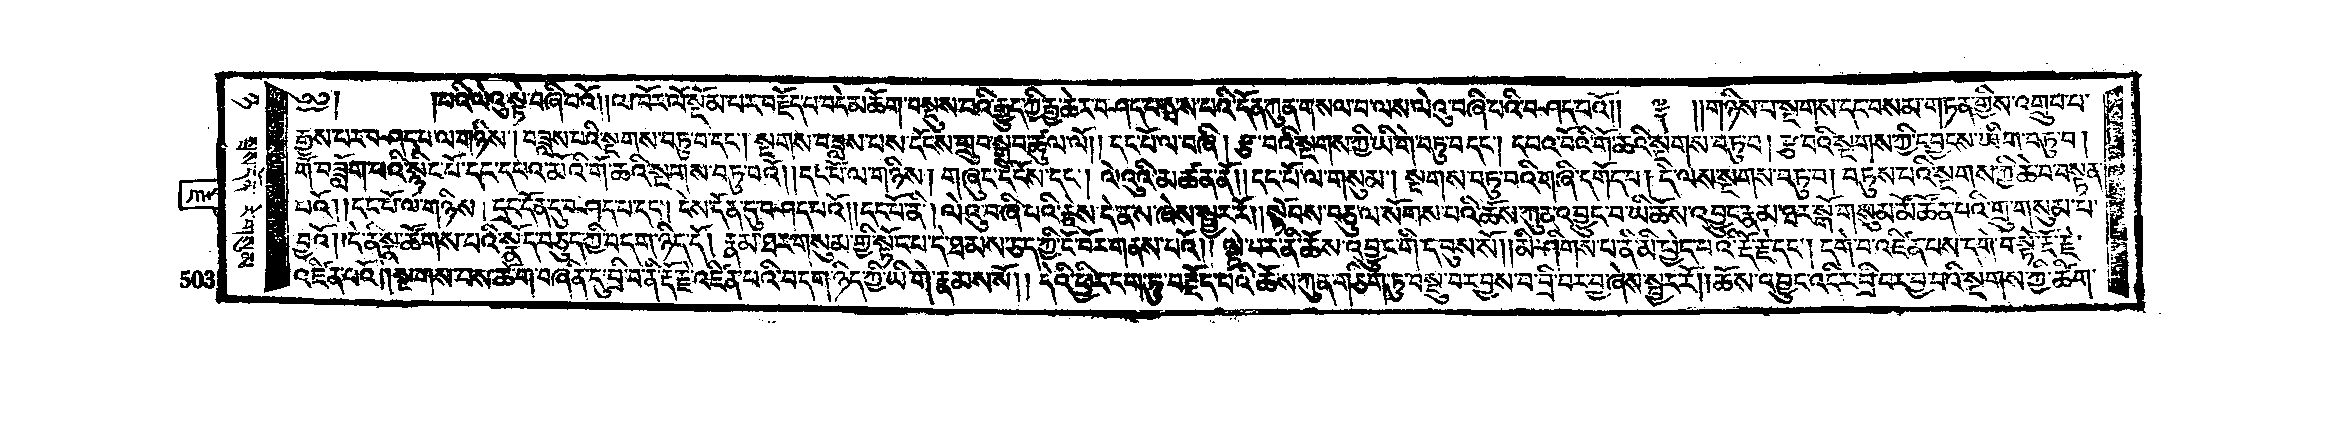༄༅། །པའི་ལེའུ་སྟེ་བཞི་པའོ། །འཁོར་ལོ་སྡོམ་པར་བརྗོད་པ་བདེ་མཆོག་བསྡུས་པའི་རྒྱུད་ཀྱི་རྒྱ་ཆེར་བཤད་པ་སྦས་པའི་དོན་ཀུན་གསལ་བ་ལས་ལེའུ་བཞི་པའི་བཤད་པའོ།། ༈ །།གཉིས་པ་སྔགས་དང་བསམ་གཏན་གྱིས་འགྲུབ་པ་
རྒྱས་པར་བཤད་པ་ལ་གཉིས། བཟླས་པའི་སྔགས་བཏུ་བ་དང་། སྔགས་བཟླས་པས་དངོས་གྲུབ་སྒྲུབ་ཚུལ་ལོ། །དང་པོ་ལ་བཞི། རྩ་བའི་སྔགས་ཀྱི་ཡི་གེ་བཏུ་བ་དང་། དཔའ་བོའི་གོ་ཆའི་སྔགས་བཏུ་བ། རྩ་བའི་སྔགས་ཀྱི་དབྱངས་ཡིག་བཏུ་བ།
གོ་བཟློག་པའི་སྙིང་པོ་དང་དཔའ་མོའི་གོ་ཆའི་སྔགས་བཏུ་བའོ། །དང་པོ་ལ་གཉིས། གཞུང་དངོས་དང་། ལེའུའི་མཚན་ནོ། །དང་པོ་ལ་གསུམ། སྔགས་བཏུ་བའི་གཞི་དགོད་པ། དེ་ལས་སྔགས་བཏུ་བ། བཏུས་པའི་སྔགས་ཀྱི་ཆེ་བ་བསྟན་
པའོ། །དང་པོ་ལ་གཉིས། དྲང་དོན་དུ་བཤད་པ་དང་། ངེས་དོན་དུ་བཤད་པའོ། །དང་པོ་ནི། ལེའུ་བཞི་པའི་རྗེས་དེ་ནས་ཞེས་སྦྱར་རོ། །སྟོབས་བཅུ་ལ་སོགས་པའི་ཆོས་ཀུན་འབྱུང་བ་ཡི་ཆོས་འབྱུང་རྣམ་ཐར་སྒོ་གསུམ་མཚོན་པའི་གྲུ་གསུམ་པ་
བྱའོ། །དེ་ནི་སྣ་ཚོགས་པའི་སྣོད་བཅུད་ཀྱི་བདག་ཉིད་དོ། རྣམ་ཐར་གསུམ་གྱི་སྟོང་པ་དེ་ཐམས་ཅད་ཀྱི་ངོ་བོར་གནས་པའོ། །ལྟེ་བར་ནི་ཆོས་འབྱུང་གི་དབུས་སོ། །མི་ཤིགས་པ་ནི་མི་ཕྱེད་པའི་རྡོ་རྗེ་དང་། དགེ་བ་འཛིན་པས་དགེ་བ་སྟེ་རྡོ་རྗེ་
འཛིན་པའོ། །སྔགས་པས་ཆོ་ག་བཞིན་དུ་བྲི་བ་ནི་རྡོ་རྗེ་འཛིན་པའི་བདག་ཉིད་ཀྱི་ཡི་གེ་རྣམས་སོ། །དེའི་ཕྱིར་ངག་ཏུ་བརྗོད་པའི་ཆོས་ཀུན་གཅིག་ཏུ་བསྡུ་བར་བྱས་པ་བྲི་བར་བྱ་ཞེས་སྦྱར་རོ། །ཆོས་འབྱུང་འདིར་བྲི་བར་བྱ་བའི་སྔགས་ཀྱི་ཚིག་